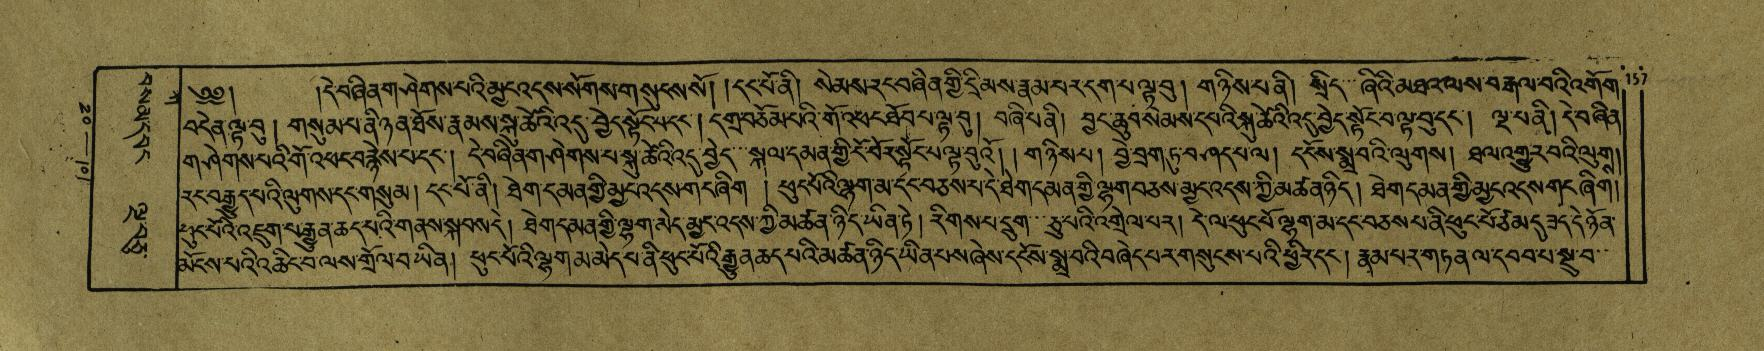༄༅། །དེ་བཞིན་གཤེགས་པའི་མྱང་འདས་སོགས་གསུངས་སོ། །དང་པོ་ནི། སེམས་རང་བཞིན་གྱི་དྲི་མས་རྣམ་པར་དག་པ་ལྟ་བུ། གཉིས་པ་ནི། སྲིད་ཞིའི་མཐའ་ལས་བརྒལ་བའི་འགོག་
བདེན་ལྟ་བུ། གསུམ་པ་ནི་ཉན་ཐོས་རྣམས་སྐུ་ཚེའི་འདུ་བྱེད་སྟོང་པ་དང་། དགྲ་བཅོམ་པའི་གོ་འཕང་ཐོབ་པ་ལྟ་བུ། བཞི་པ་ནི། བྱང་ཆུབ་སེམས་དཔའི་སྐུ་ཚེའི་འདུ་བྱེད་སྟོང་བ་ལྟ་བུ་དང་། ལྔ་པ་ནི། དེ་བཞིན་
གཤེགས་པའི་གོ་འཕང་བརྙེས་པ་དང་། དེ་བཞིན་གཤེགས་པ་སྐུ་ཚེའི་འདུ་བྱེད་སྐལ་དམན་གྱི་ངོ་བོར་སྟོང་པ་ལྟ་བུའོ། །གཉིས་པ། བྱེ་བྲག་ཏུ་བཤད་པ་ལ། དངོས་སྨྲ་བའི་ལུགས། ཐལ་འགྱུར་བའི་ལུགས།
རང་བརྒྱུད་པའི་ལུགས་དང་གསུམ། དང་པོ་ནི། ཐེག་དམན་གྱི་མྱང་འདས་གང་ཞིག །ཕུང་པོའི་ལྷག་མ་དང་བཅས་པ་དེ་ཐེག་དམན་གྱི་ལྷག་བཅས་མྱང་འདས་ཀྱི་མཚན་ཉིད། ཐེག་དམན་གྱི་མྱང་འདས་གང་ཞིག །
ཕུང་པོའི་འཇུག་པ་རྒྱུན་ཆད་པའི་གནས་སྐབས་དེ། ཐེག་དམན་གྱི་ལྷག་མེད་མྱང་འདས་ཀྱི་མཚན་ཉིད་ཡིན་ཏེ། རིགས་པ་དྲུག་ཅུ་པའི་འགྲེལ་པར། དེ་ལ་ཕུང་པོ་ལྷག་མ་དང་བཅས་པ་ནི་ཕུང་པོ་ཙམ་དུ་ཟད་དེ་ཉོན་
མོངས་པའི་འཆིང་བ་ལས་གྲོལ་བ་ཡིན། ཕུང་པོའི་ལྷག་མ་མེད་པ་ནི་ཕུང་པོའི་རྒྱུན་ཆད་པའི་མཚན་ཉིད་ཡིན་པས་ཞེས་དངོས་སྨྲ་བའི་བཞེད་པར་གསུངས་པའི་ཕྱིར་དང་། རྣམ་པར་གཏན་ལ་དབབ་པ་སྡུ་བ་